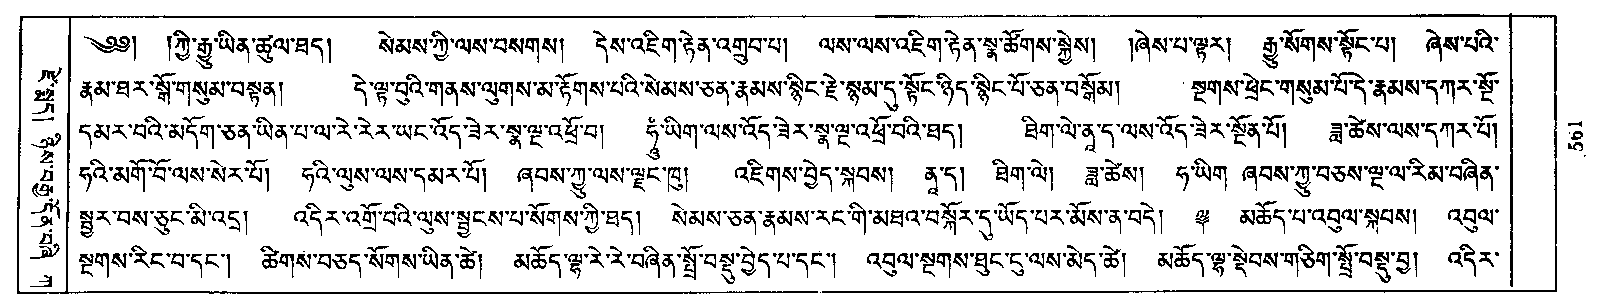༄༅། །ཀྱི་རྒྱུ་ཡིན་ཚུལ་ཐད། སེམས་ཀྱི་ལས་བསགས། དེས་འཇིག་རྟེན་འགྲུབ་པ། ལས་ལས་འཇིག་རྟེན་སྣ་ཚོགས་སྐྱེས། །ཞེས་པ་ལྟར། རྒྱུ་སོགས་སྟོང་པ། ཞེས་པའི་
རྣམ་ཐར་སྒོ་གསུམ་བསྟན། དེ་ལྟ་བུའི་གནས་ལུགས་མ་རྟོགས་པའི་སེམས་ཅན་རྣམས་སྙིང་རྗེ་སྙམ་དུ་སྟོང་ཉིད་སྙིང་པོ་ཅན་བསྒོམ། སྔགས་ཕྲེང་གསུམ་པོ་དེ་རྣམས་དཀར་སྔོ་
དམར་བའི་མདོག་ཅན་ཡིན་པ་ལ་རེ་རེར་ཡང་འོད་ཟེར་སྣ་ལྔ་འཕྲོ་བ། ཧཱུཾ་ཡིག་ལས་འོད་ཟེར་སྣ་ལྔ་འཕྲོ་བའི་ཐད། ཐིག་ལེ་ནཱ་ད་ལས་འོད་ཟེར་སྔོན་པོ། ཟླ་ཚེས་ལས་དཀར་པོ།
ཧའི་མགོ་བོ་ལས་སེར་པོ། ཧའི་ལུས་ལས་དམར་པོ། ཞབས་ཀྱུ་ལས་ལྗང་ཁུ། འཇིགས་བྱེད་སྐབས། ནཱ་ད། ཐིག་ལེ། ཟླ་ཚེས། ཧ་ཡིག་ཞབས་ཀྱུ་བཅས་ལྔ་ལ་རིམ་བཞིན་
སྦྱར་བས་ཅུང་མི་འདྲ། འདིར་འགྲོ་བའི་ལུས་སྦྱངས་པ་སོགས་ཀྱི་ཐད། སེམས་ཅན་རྣམས་རང་གི་མཐའ་བསྐོར་དུ་ཡོད་པར་མོས་ན་བདེ། ༈ མཆོད་པ་འབུལ་སྐབས། འབུལ་
སྔགས་རིང་བ་དང་། ཚིགས་བཅད་སོགས་ཡིན་ཚེ། མཆོད་ལྷ་རེ་རེ་བཞིན་སྤྲོ་བསྡུ་བྱེད་པ་དང་། འབུལ་སྔགས་ཐུང་དུ་ལས་མེད་ཚེ། མཆོད་ལྷ་སྡེབས་གཅིག་སྤྲོ་བསྡུ་བྱ། འདིར་